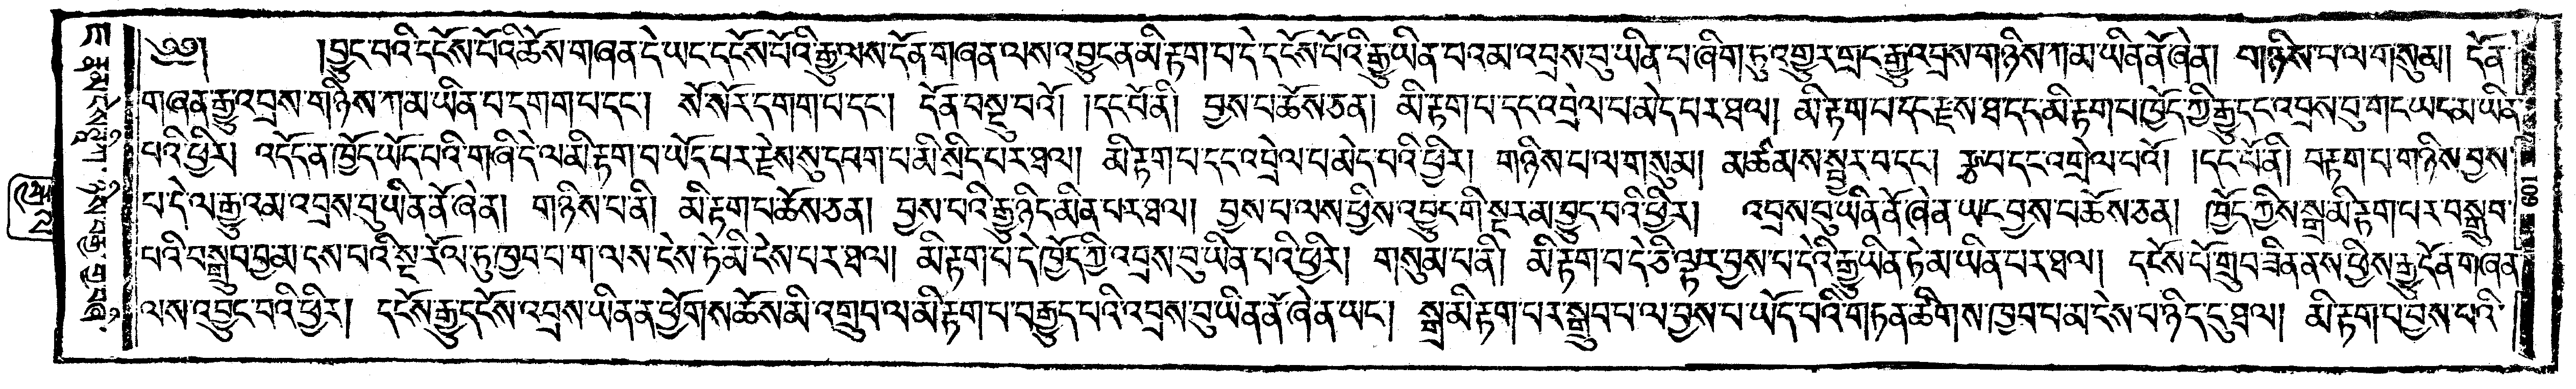༄༅། །བྱུང་བའི་དངོས་པོའི་ཆོས་གཞན་དེ་ཡང་དངོས་པོའི་རྒྱུ་ལས་དོན་གཞན་ལས་འབྱུང་ན་མི་རྟག་པ་དེ་དངོས་པོའི་རྒྱུ་ཡིན་པའམ་འབྲས་བུ་ཡིན་པ་ཞིག་ཏུ་འགྱུར་གྲང་རྒྱུ་འབྲས་གཉིས་ཀ་མ་ཡིན་ནོ་ཞེ་ན། གཉིས་པ་ལ་གསུམ། དོན་
གཞན་རྒྱུ་འབྲས་གཉིས་ཀ་མ་ཡིན་པ་དགག་པ་དང་། སོ་སོར་དགག་པ་དང་། དོན་བསྡུ་བའོ། །དང་པོ་ནི། བྱས་པ་ཆོས་ཅན། མི་རྟག་པ་དང་འབྲེལ་པ་མེད་པར་ཐལ། མི་རྟག་པ་དང་རྫས་ཐ་དད་མི་རྟག་པ་ཁྱོད་ཀྱི་རྒྱུ་དང་འབྲས་བུ་གང་ཡང་མ་ཡིན་
པའི་ཕྱིར། འདོད་ན་ཁྱོད་ཡོད་པའི་གཞི་དེ་ལ་མི་རྟག་བ་ཡོད་པར་རྗེས་སུ་དཔག་པ་མི་སྲིད་པར་ཐལ། མི་རྟག་པ་དང་འབྲེལ་པ་མེད་པའི་ཕྱིར། གཉིས་པ་ལ་གསུམ། མཚམས་སྦྱར་བ་དང་། རྩ་བ་དང་འགྲེལ་པའོ། །དང་པོ་ནི། བརྟག་པ་གཉིས་བྱས་
པ་དེ་ལ་རྒྱུ་འམ་འབྲས་བུ་ཡིན་ནོ་ཞེ་ན། གཉིས་པ་ནི། མི་རྟག་པ་ཆོས་ཅན། བྱས་པའི་རྒྱུ་ཉིད་མིན་པར་ཐལ། བྱས་པ་ལས་ཕྱིས་འབྱུང་གི་སྔར་མ་བྱུང་བའི་ཕྱིར། འབྲས་བུ་ཡིན་ནོ་ཞེ་ན་ཡང་བྱས་པ་ཆོས་ཅན། ཁྱོད་ཀྱིས་སྒྲ་མི་རྟག་པར་བསྒྲུབ་
པའི་བསྒྲུབ་བྱ་མ་ངེས་པའི་སྔ་རོལ་ཏུ་ཁྱབ་པ་ག་ལས་ངེས་ཏེ་མི་ངེས་པར་ཐལ། མི་རྟག་པ་དེ་ཁྱོད་ཀྱི་འབྲས་བུ་ཡིན་པའི་ཕྱིར། གསུམ་པ་ནི། མི་རྟག་པ་དེ་ཅི་ལྟར་བྱས་པ་དེའི་རྒྱུ་ཡིན་ཏེ་མ་ཡིན་པར་ཐལ། དངོས་པོ་གྲུབ་ཟིན་ནས་ཕྱིས་རྒྱུ་དོན་གཞན་
ལས་འབྱུང་བའི་ཕྱིར། དངོས་རྒྱུ་དངོས་འབྲས་ཡིན་ན་ཕྱོགས་ཆོས་མི་འགྲུབ་ལ་མི་རྟག་པ་བརྒྱུད་པའི་འབྲས་བུ་ཡིན་ནོ་ཞེ་ན་ཡང་། སྒྲ་མི་རྟག་པར་སྒྲུབ་པ་ལ་བྱས་པ་ཡོད་པའི་གཏན་ཚིགས་ཁྱབ་པ་མ་ངེས་པ་ཉིད་དུ་ཐལ། མི་རྟག་པ་བྱས་པའི་